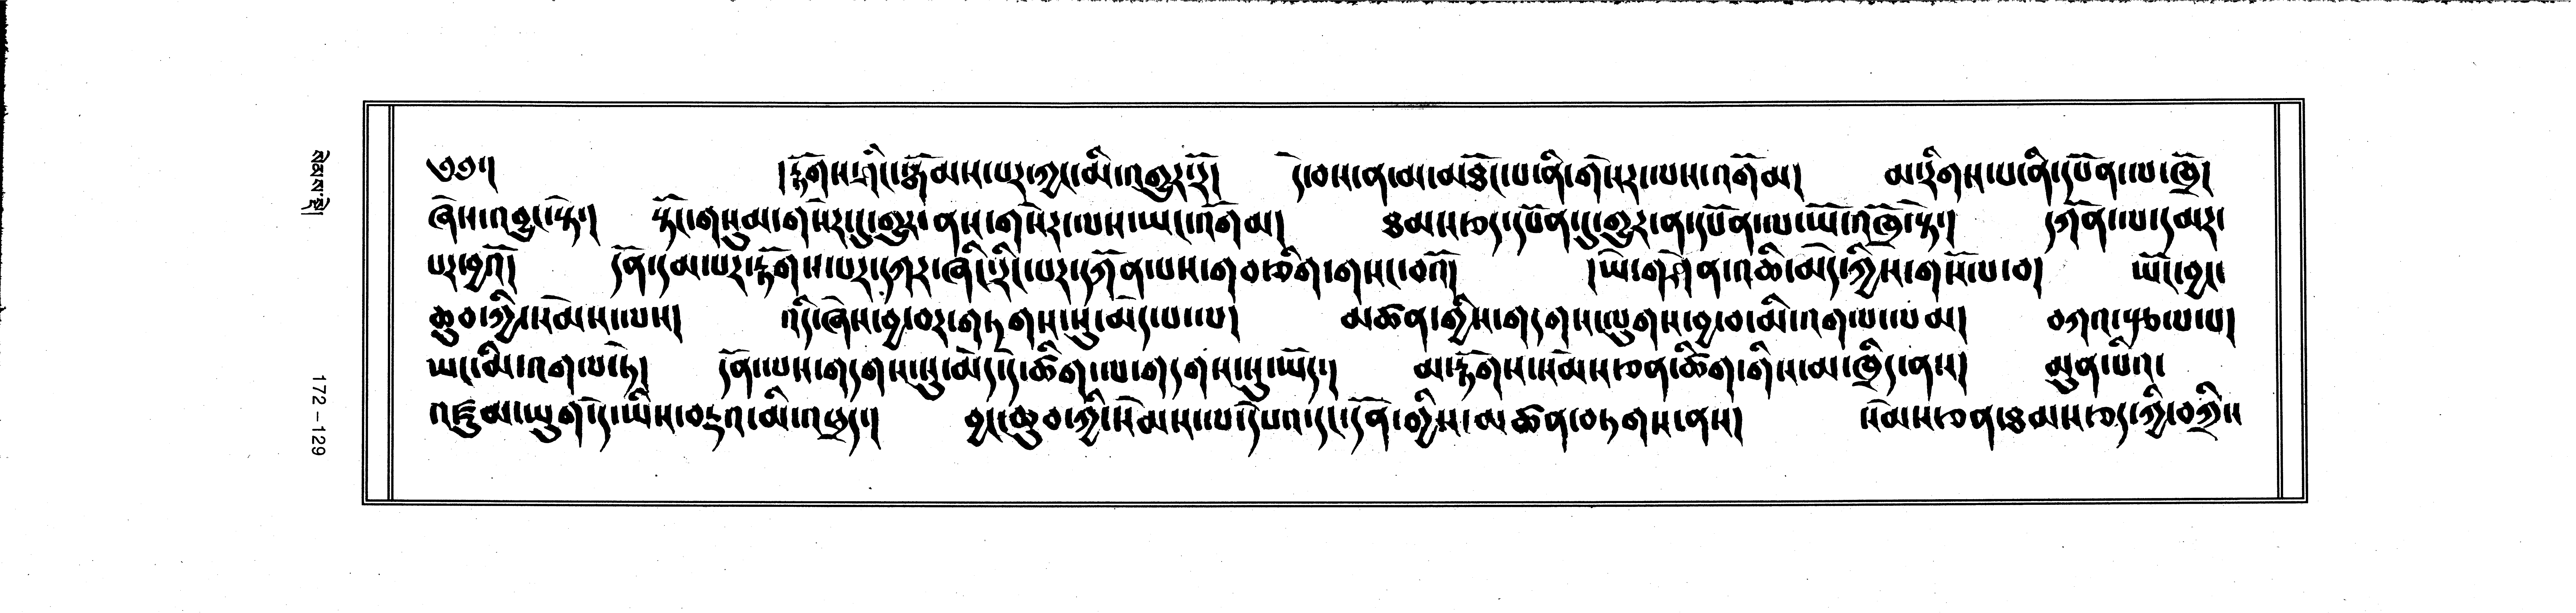རྟོགས་ཤིང་སྒོམས་པར་ཀྱང་མི་འགྱུར་རོ། དེ་བས་ན་མ་མཐོང་པ་ནི་གསེར་ལས་འགོམ། མ་རིགས་པ་ནི་དཔོན་ལ་ཁྲོ། 
ཞེས་འབྱུང་སྟེ། སྟོང་གསུམ་གསེར་དུ་གྱུར་ནས་གསེར་ལས་ཡང་འགོམ། ཐམས་ཅད་དཔོན་དུ་གྱུར་ན་དཔོན་ལ་ཡོ་འཁྲོ་སྟེ། དཀོན་ལ་དམར་
པར་བྱའོ། དོན་དམ་པར་རྟོགས་པར་དཀར་ཞིང་རིང་པར་དཀོན་པས་གབ་ཅིག་གསང་བའོ། ཡེ་གཤེན་འཆི་མེད་ཀྱིས་གསོལ་བ། ཡང་བྱང་
ཆུབ་ཀྱི་སེམས་ལས། འདི་ཞེས་བྱ་བར་གཏགས་སུ་མེད་པ་ལ། མཚན་གྱིས་གདགས་ལུགས་བྱ་བ་མི་འགལ་ལམ། བཀའ་སྩལ་པ། 
ཡང་མི་འགལ་ཏེ། དོན་ལས་གདགས་སུ་མེད་དེ་ཚིག་ལ་གདགས་སུ་ཡོད། མ་རྟོགས་སེམས་ཅན་ཚིག་གིས་མ་ཁྲིད་ནས། མུན་པའི་
འཛུམ་ཡུག་དེ་ཡིས་བརྡའ་མི་འཕྲད། བྱང་ཆུབ་ཀྱི་སེམས་ལ་དཔེའ་དང་དོན་གྱིས་མཚན་བཏགས་ནས། སེམས་ཅན་ཐམས་ཅད་ཀྱི་བཀྲིད་